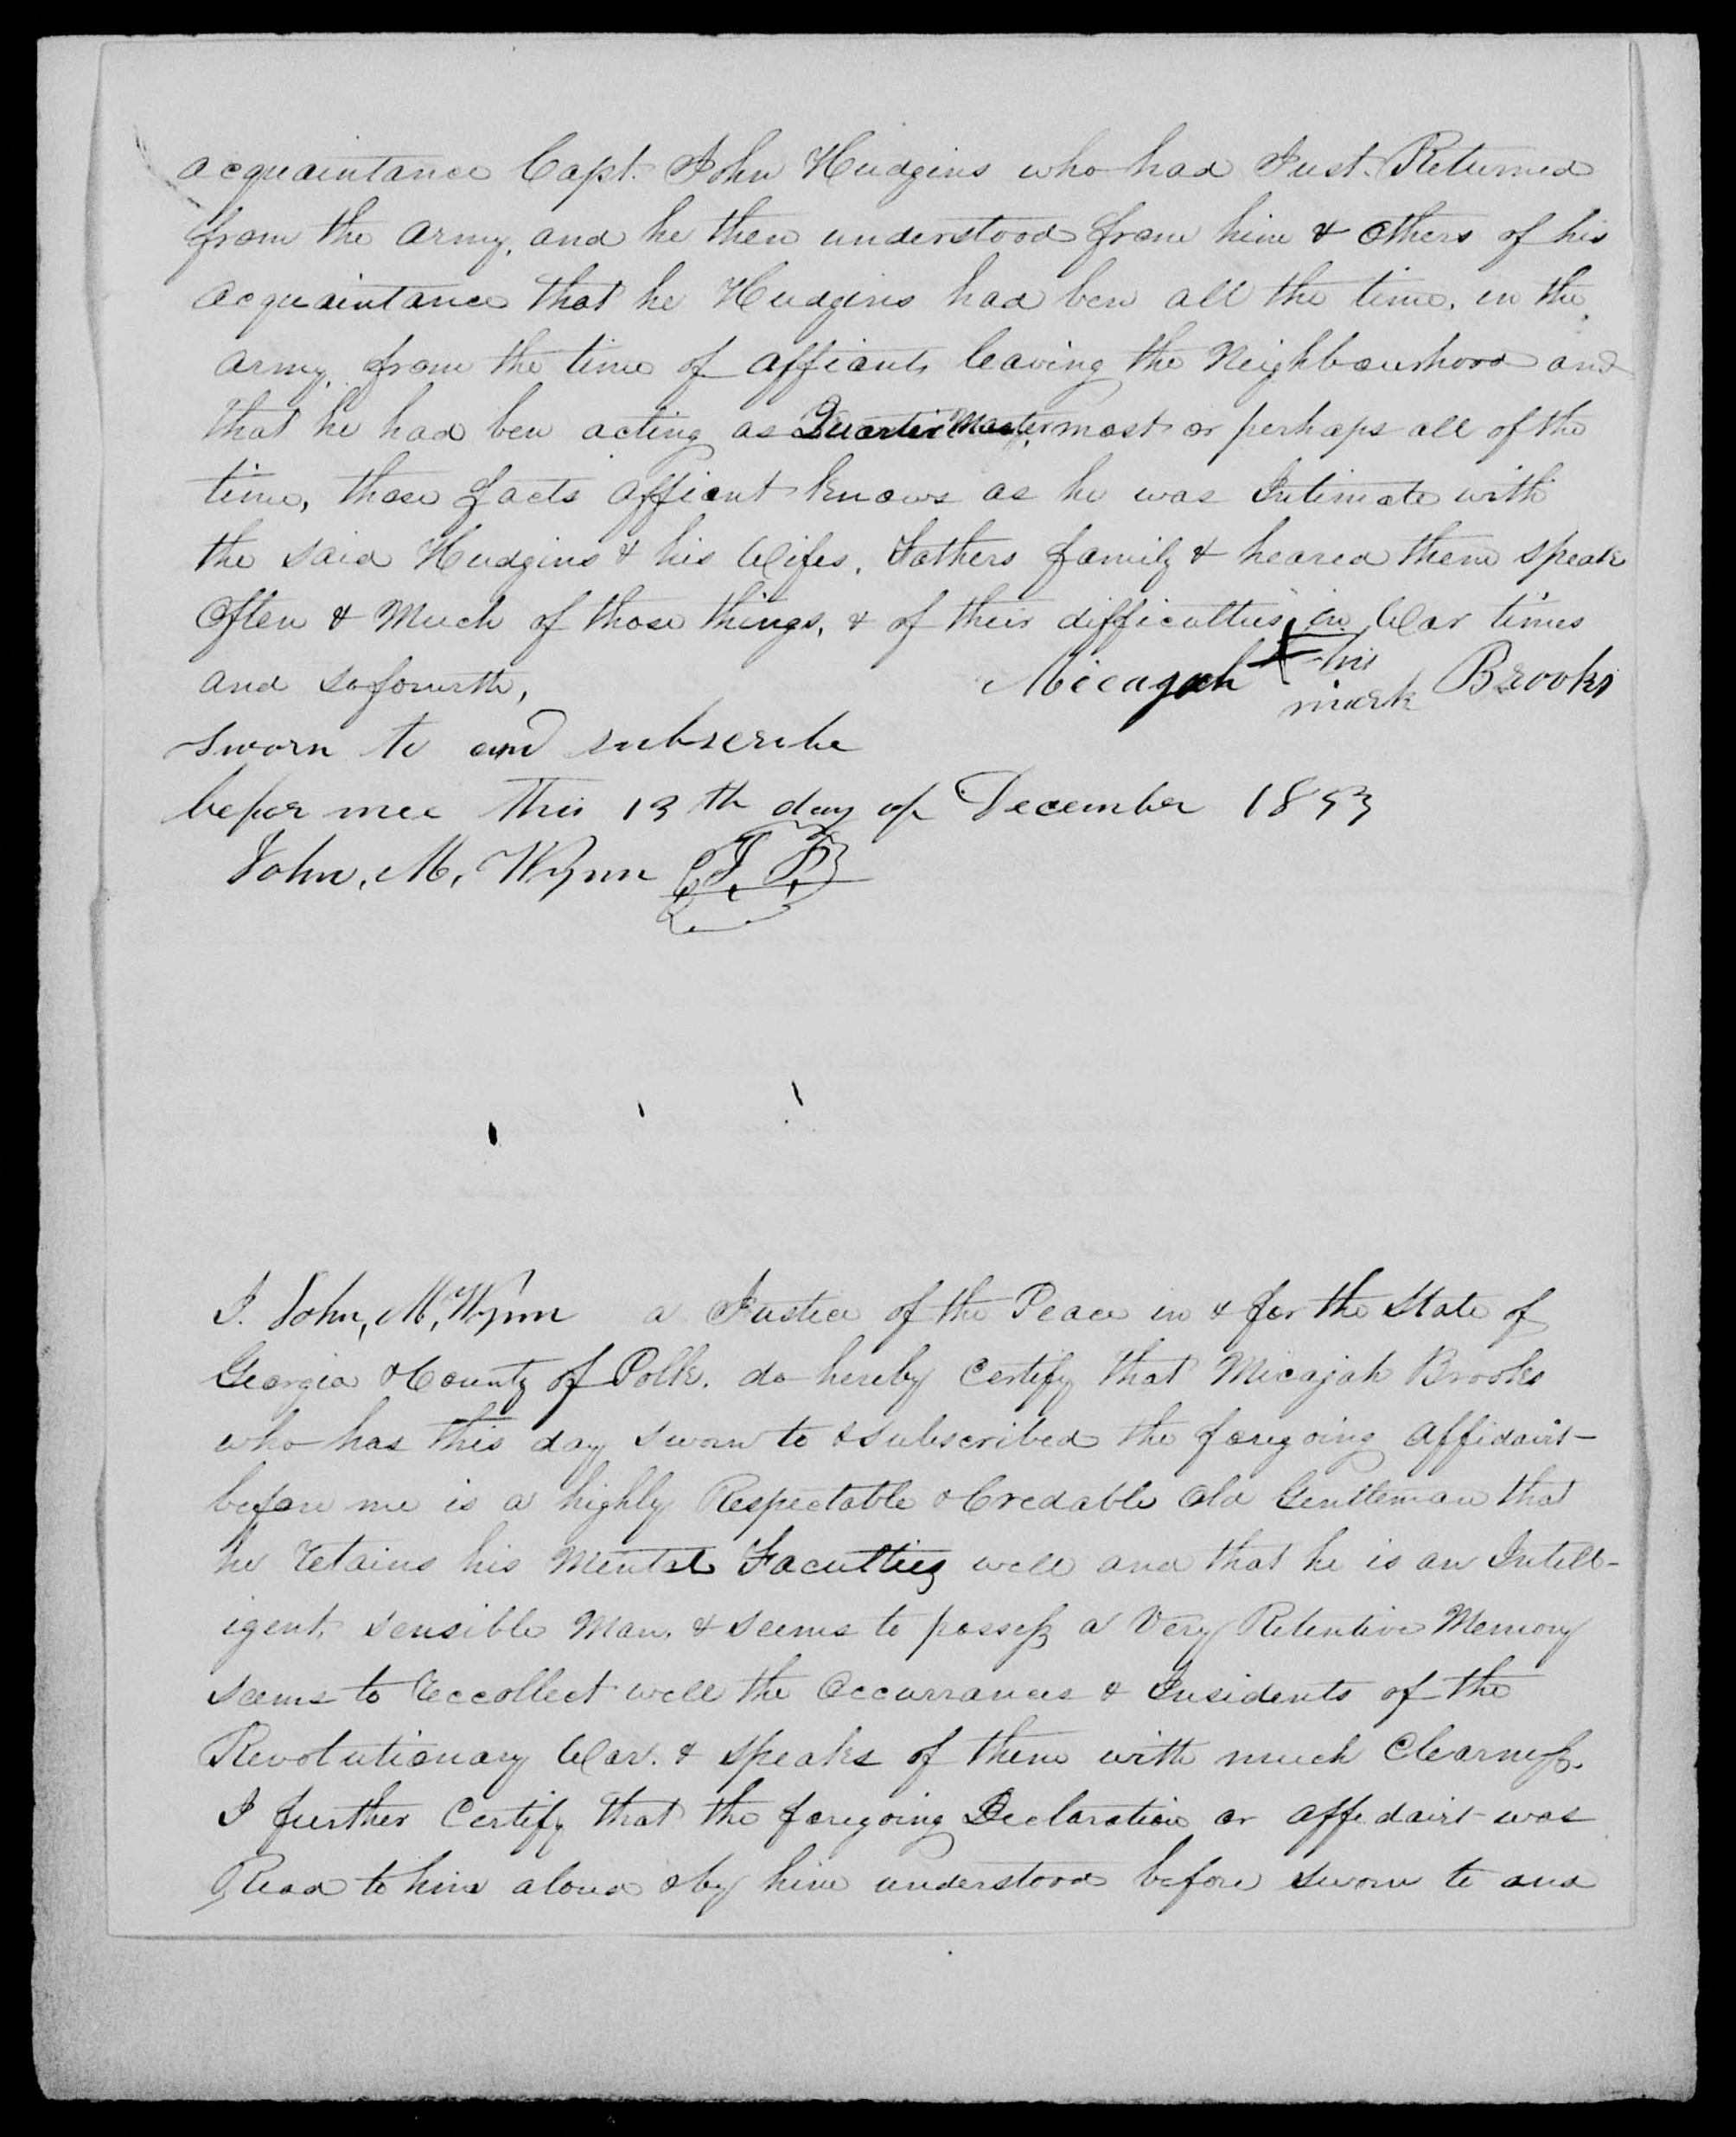acquaintance Capt. John Hudgins who had just returned from the army and he then understond from hiim & others of his acquaintances that he Hudgins had been all the time, in the army from the time of afficants leavin the neighbourhood and that he had been acting as Quarter Master most of perhaps all of the time, those facts afficiant knos as he was intimate with the said Hudgins & his wife's father's family & heared them speak often & much of those things, & of their difficulties on war time and sofourth. Sworn to and subscribed before me this 13th day of December 1853 John. M. Wynn J.P
Micajah Brooks

I John M. Wynn a Justice of the Peace in & for the state of Georgia & county of Polk do hereby certify that Micajah Brooks who has this day sworn to & subscribed the foregoing affidavit before me is a highly respectable & creditable old gentleman that he retains his mental faculties well and that he is an intelligent, sensible man & seems to possess a very retentive memory to recollect well the occurrences & residents of the Revolutionary War & speaks of them with much clarity. I further certify that the forgoing declaration or affidavit was read to him aloud. he understood before sworn to and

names: Micajah Brooks, John Hudgins, John M Wynn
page: 85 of 108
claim: rejected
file: R. 7,515, John Hudgins, N.C.